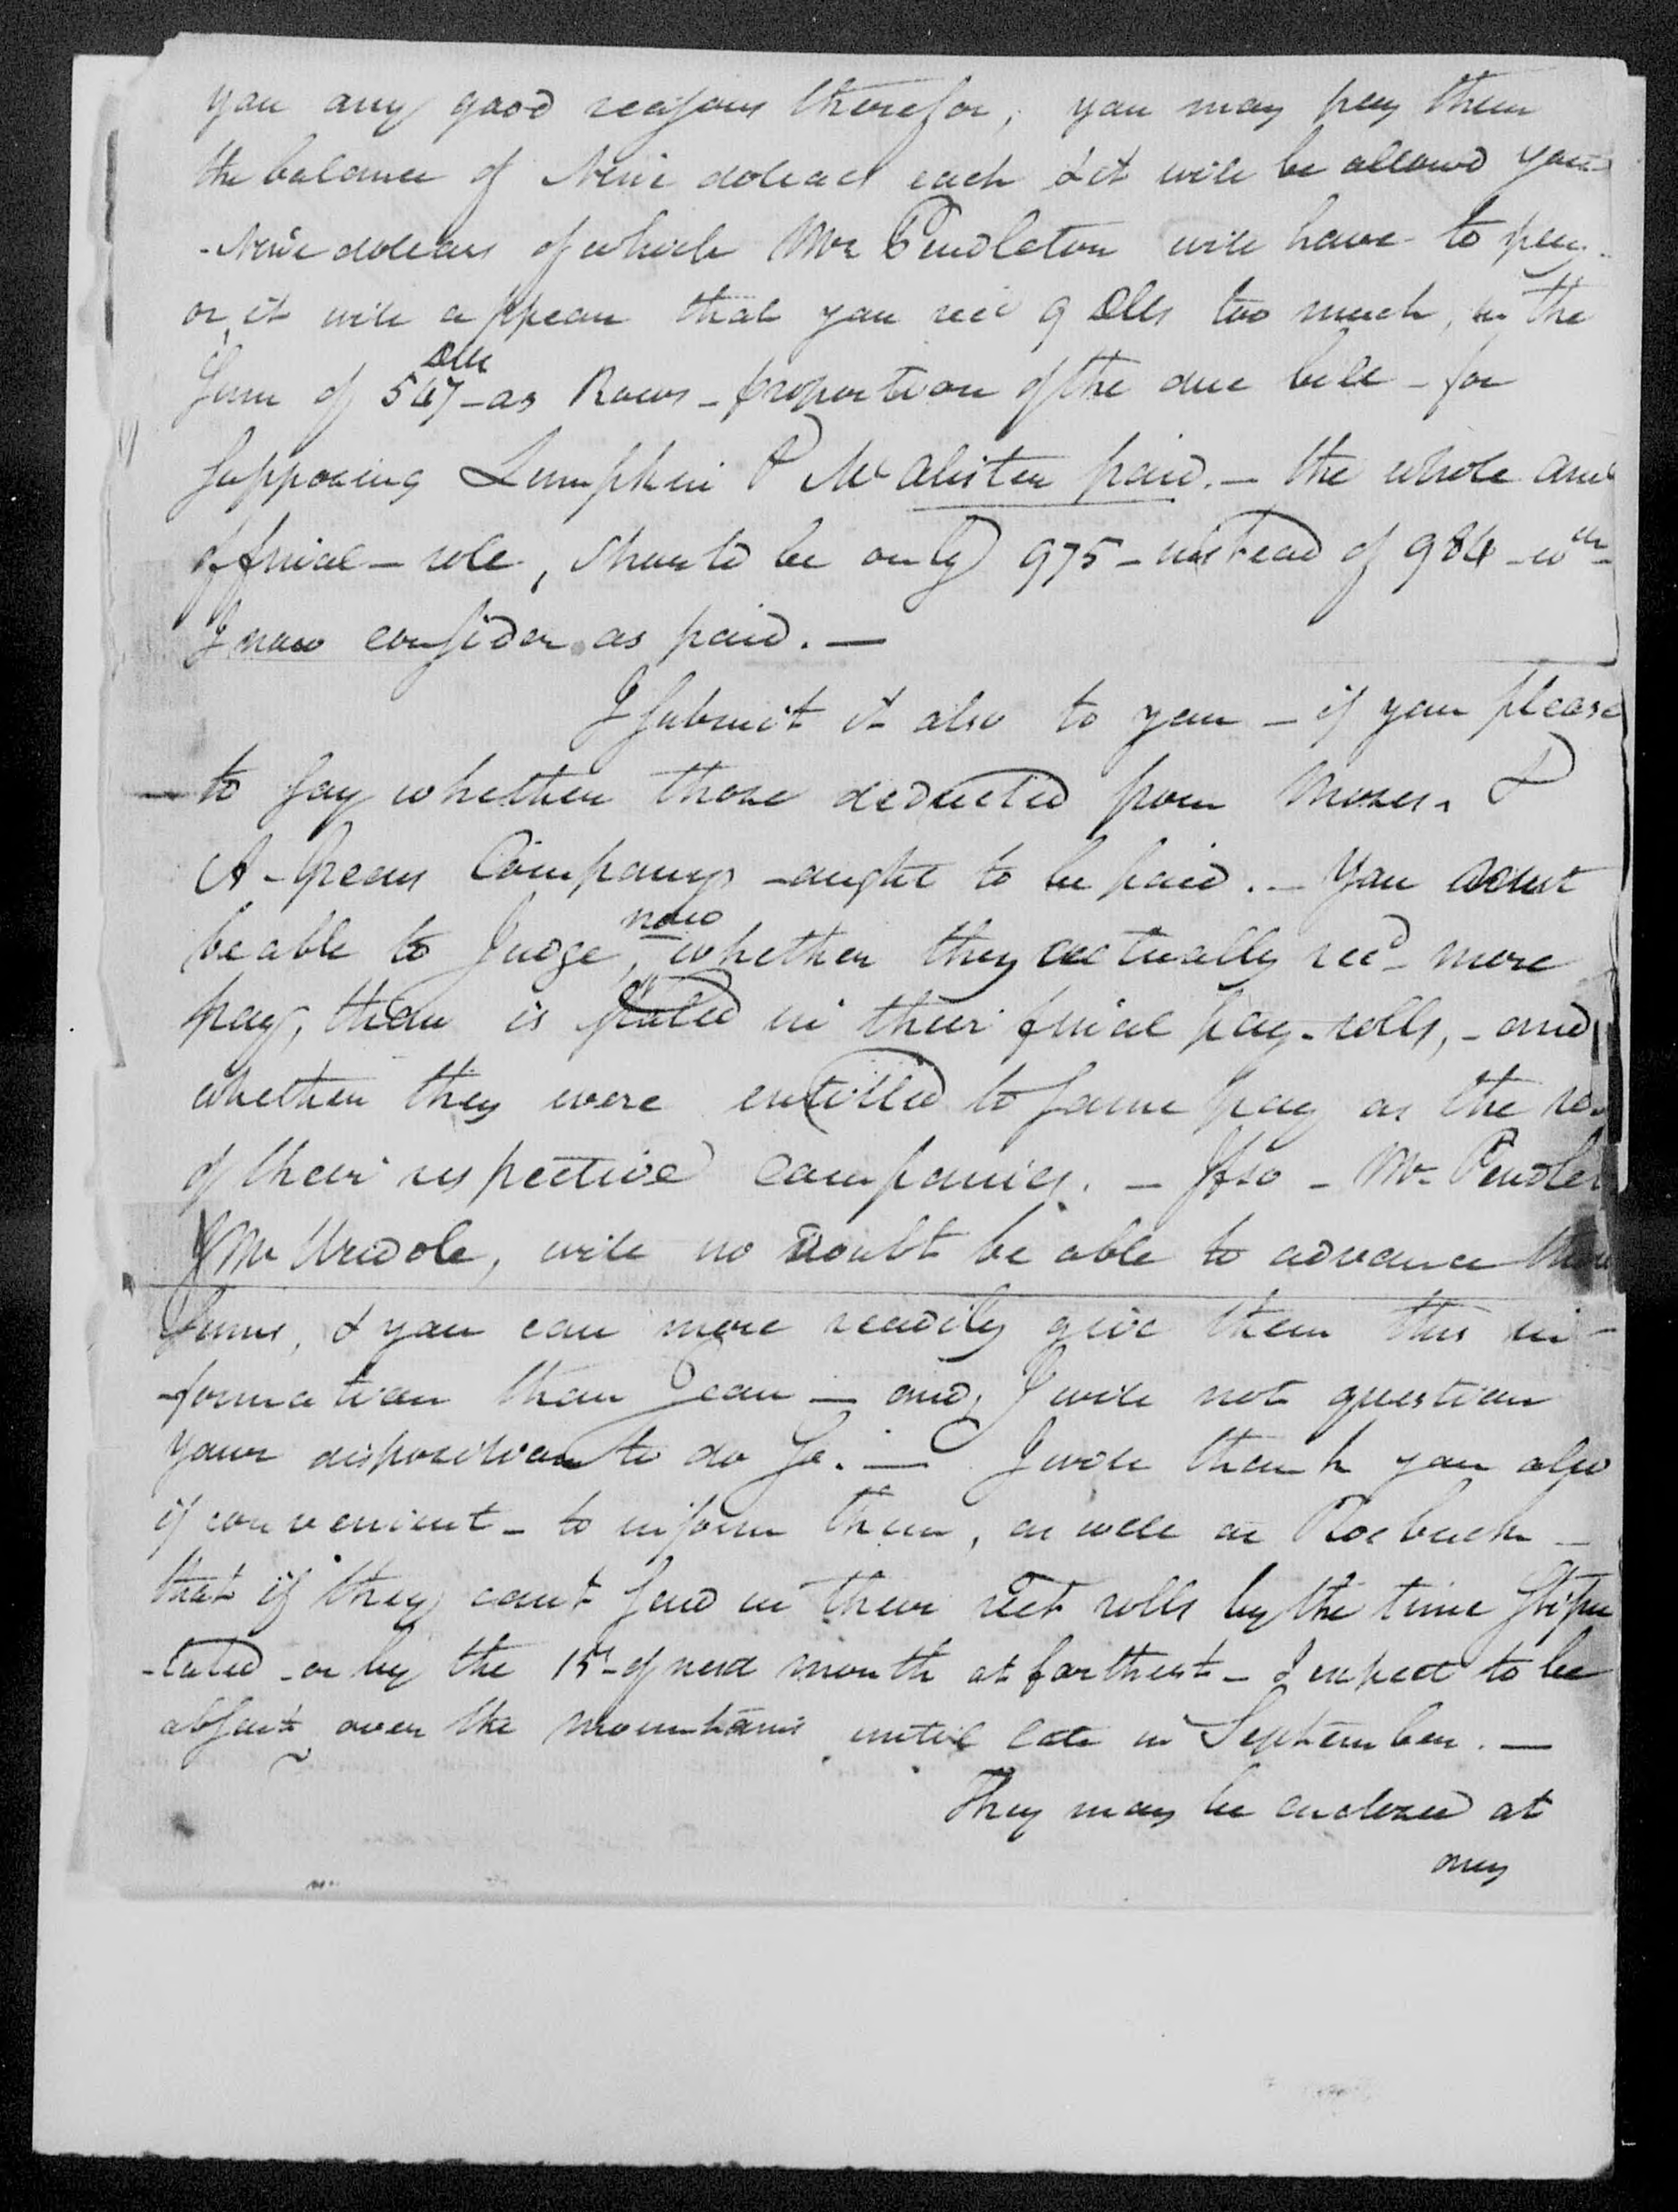you any good reason therefore, you may pay them the balance of Am'c dollars each lot will be  allowed your Am'c dollars of which Mr Pendleton will have to pay or, it will be species that you rec'd 9 Dlls too much , to the Sum of 547 Dlls -- as Raws __ proportion of the due bill __ for Supposing Lumpkin P McAlister paid. ___ the whole and official __ roll, should be only 975 __ instead of 984 _ wch__ I now consider as paid. ___
I submit it also to you __ if you please to say whether those deducted from Mister P A -- Greens Company __ ought to be paid. ___ You should be able to Judge now whether they actually recd more pay than is stated in their final pay _ rolls, __. and whether they were entitled to Same pay as the [illegible word] of their respective companies. ___ Also __ Mr Pendleton J M. Uridole, will no doubt be able to advance them funds, +[and] you can more readily give them this information than I can ___  and, I will not question your disposition to do it. ___ I will thank you also if convenient __ to inform them, as well as Roebuck __ that if they can't Send in their rect rolls by the time I before stated _ or by the 15th of next month at farthest __ I expect to be at just over the mountains until late in September.___ They may be enclosed at May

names: P Mc Alister, Pendleton, J M Uridole, Pendleton, Lumpkin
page: 244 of 267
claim: widow's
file: W. 4,149, William Campbell, Va.